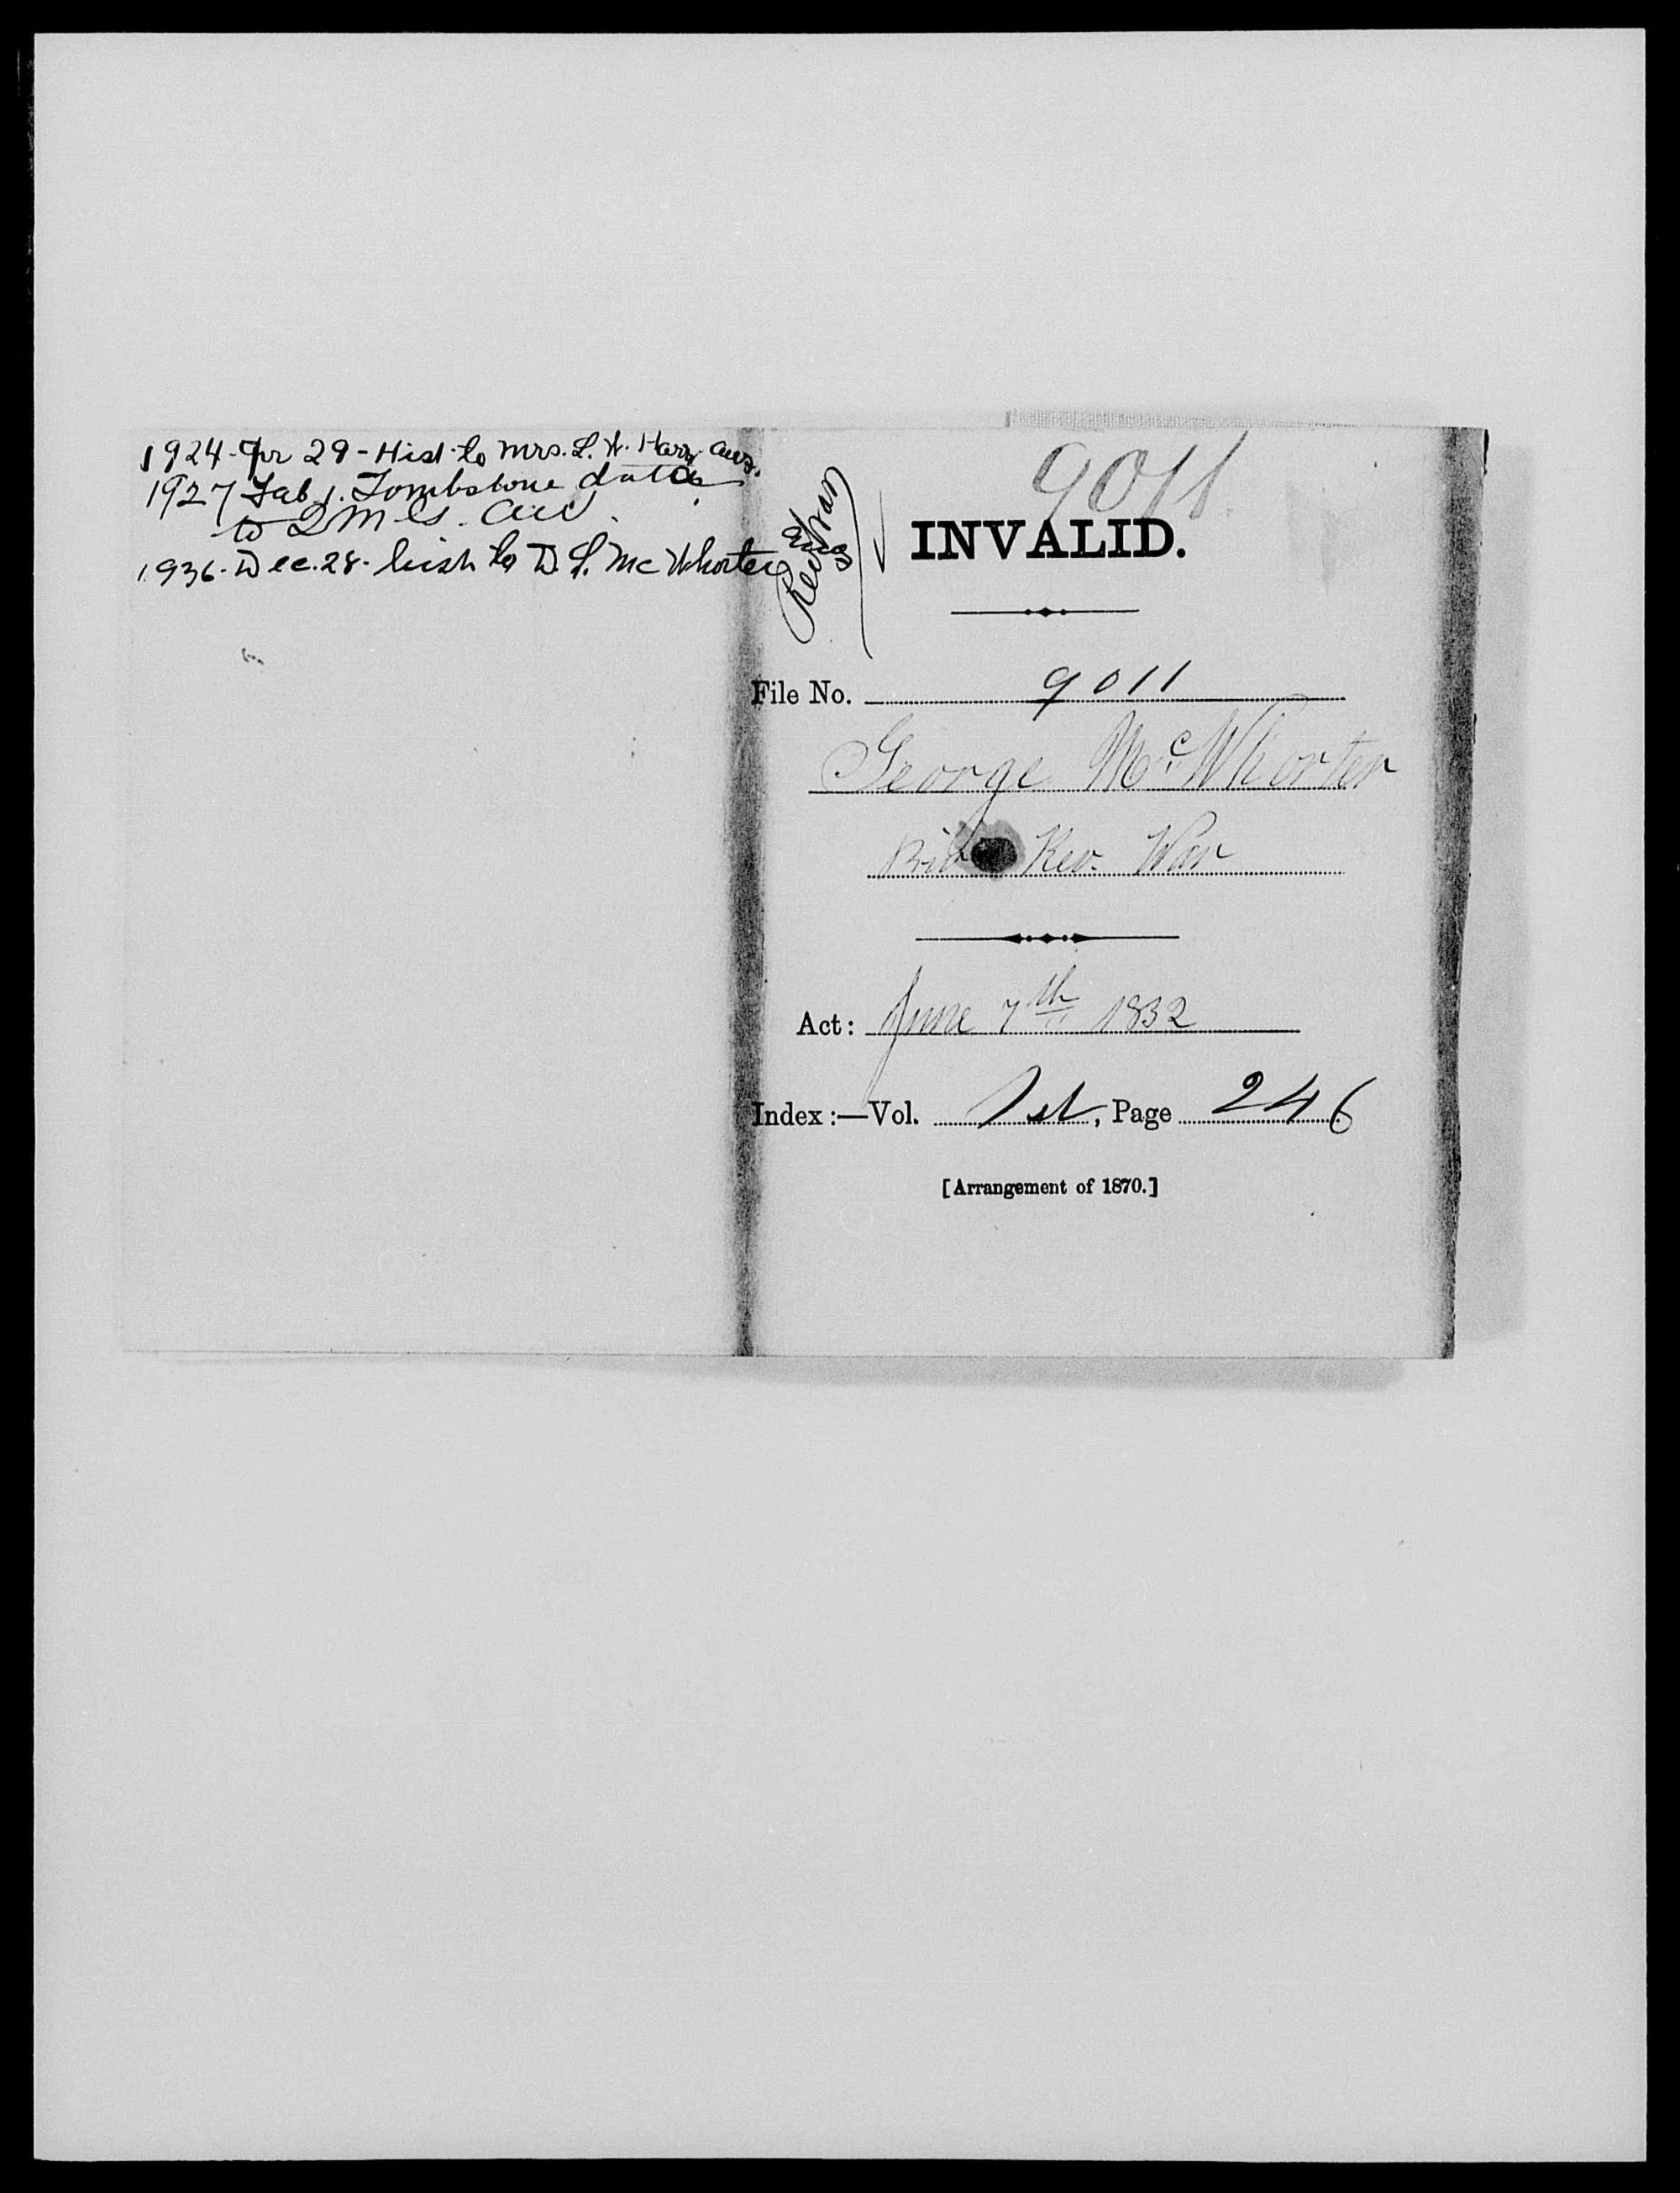( left page ) 1924 Apr 29 - Hist. to Mrs. L.W. Harry ans.  1927  Feb 1 Tombstone date to QM & aud 1936 Dec. 28 - list to D.L. McWhorter and ( vertical note ) ( Rechan ) ( check mark )  ( right page ) 9011 INVALID.  File No. 9011  George McWhorter Priv . Rev. War  Act : June 7th 1832 Index: - Vol. 1st , Page 246  [ Arrangement of 1870. ]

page: 15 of 35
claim: survivor's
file: S. 9,011, for George Mc Whorter, North Carolina